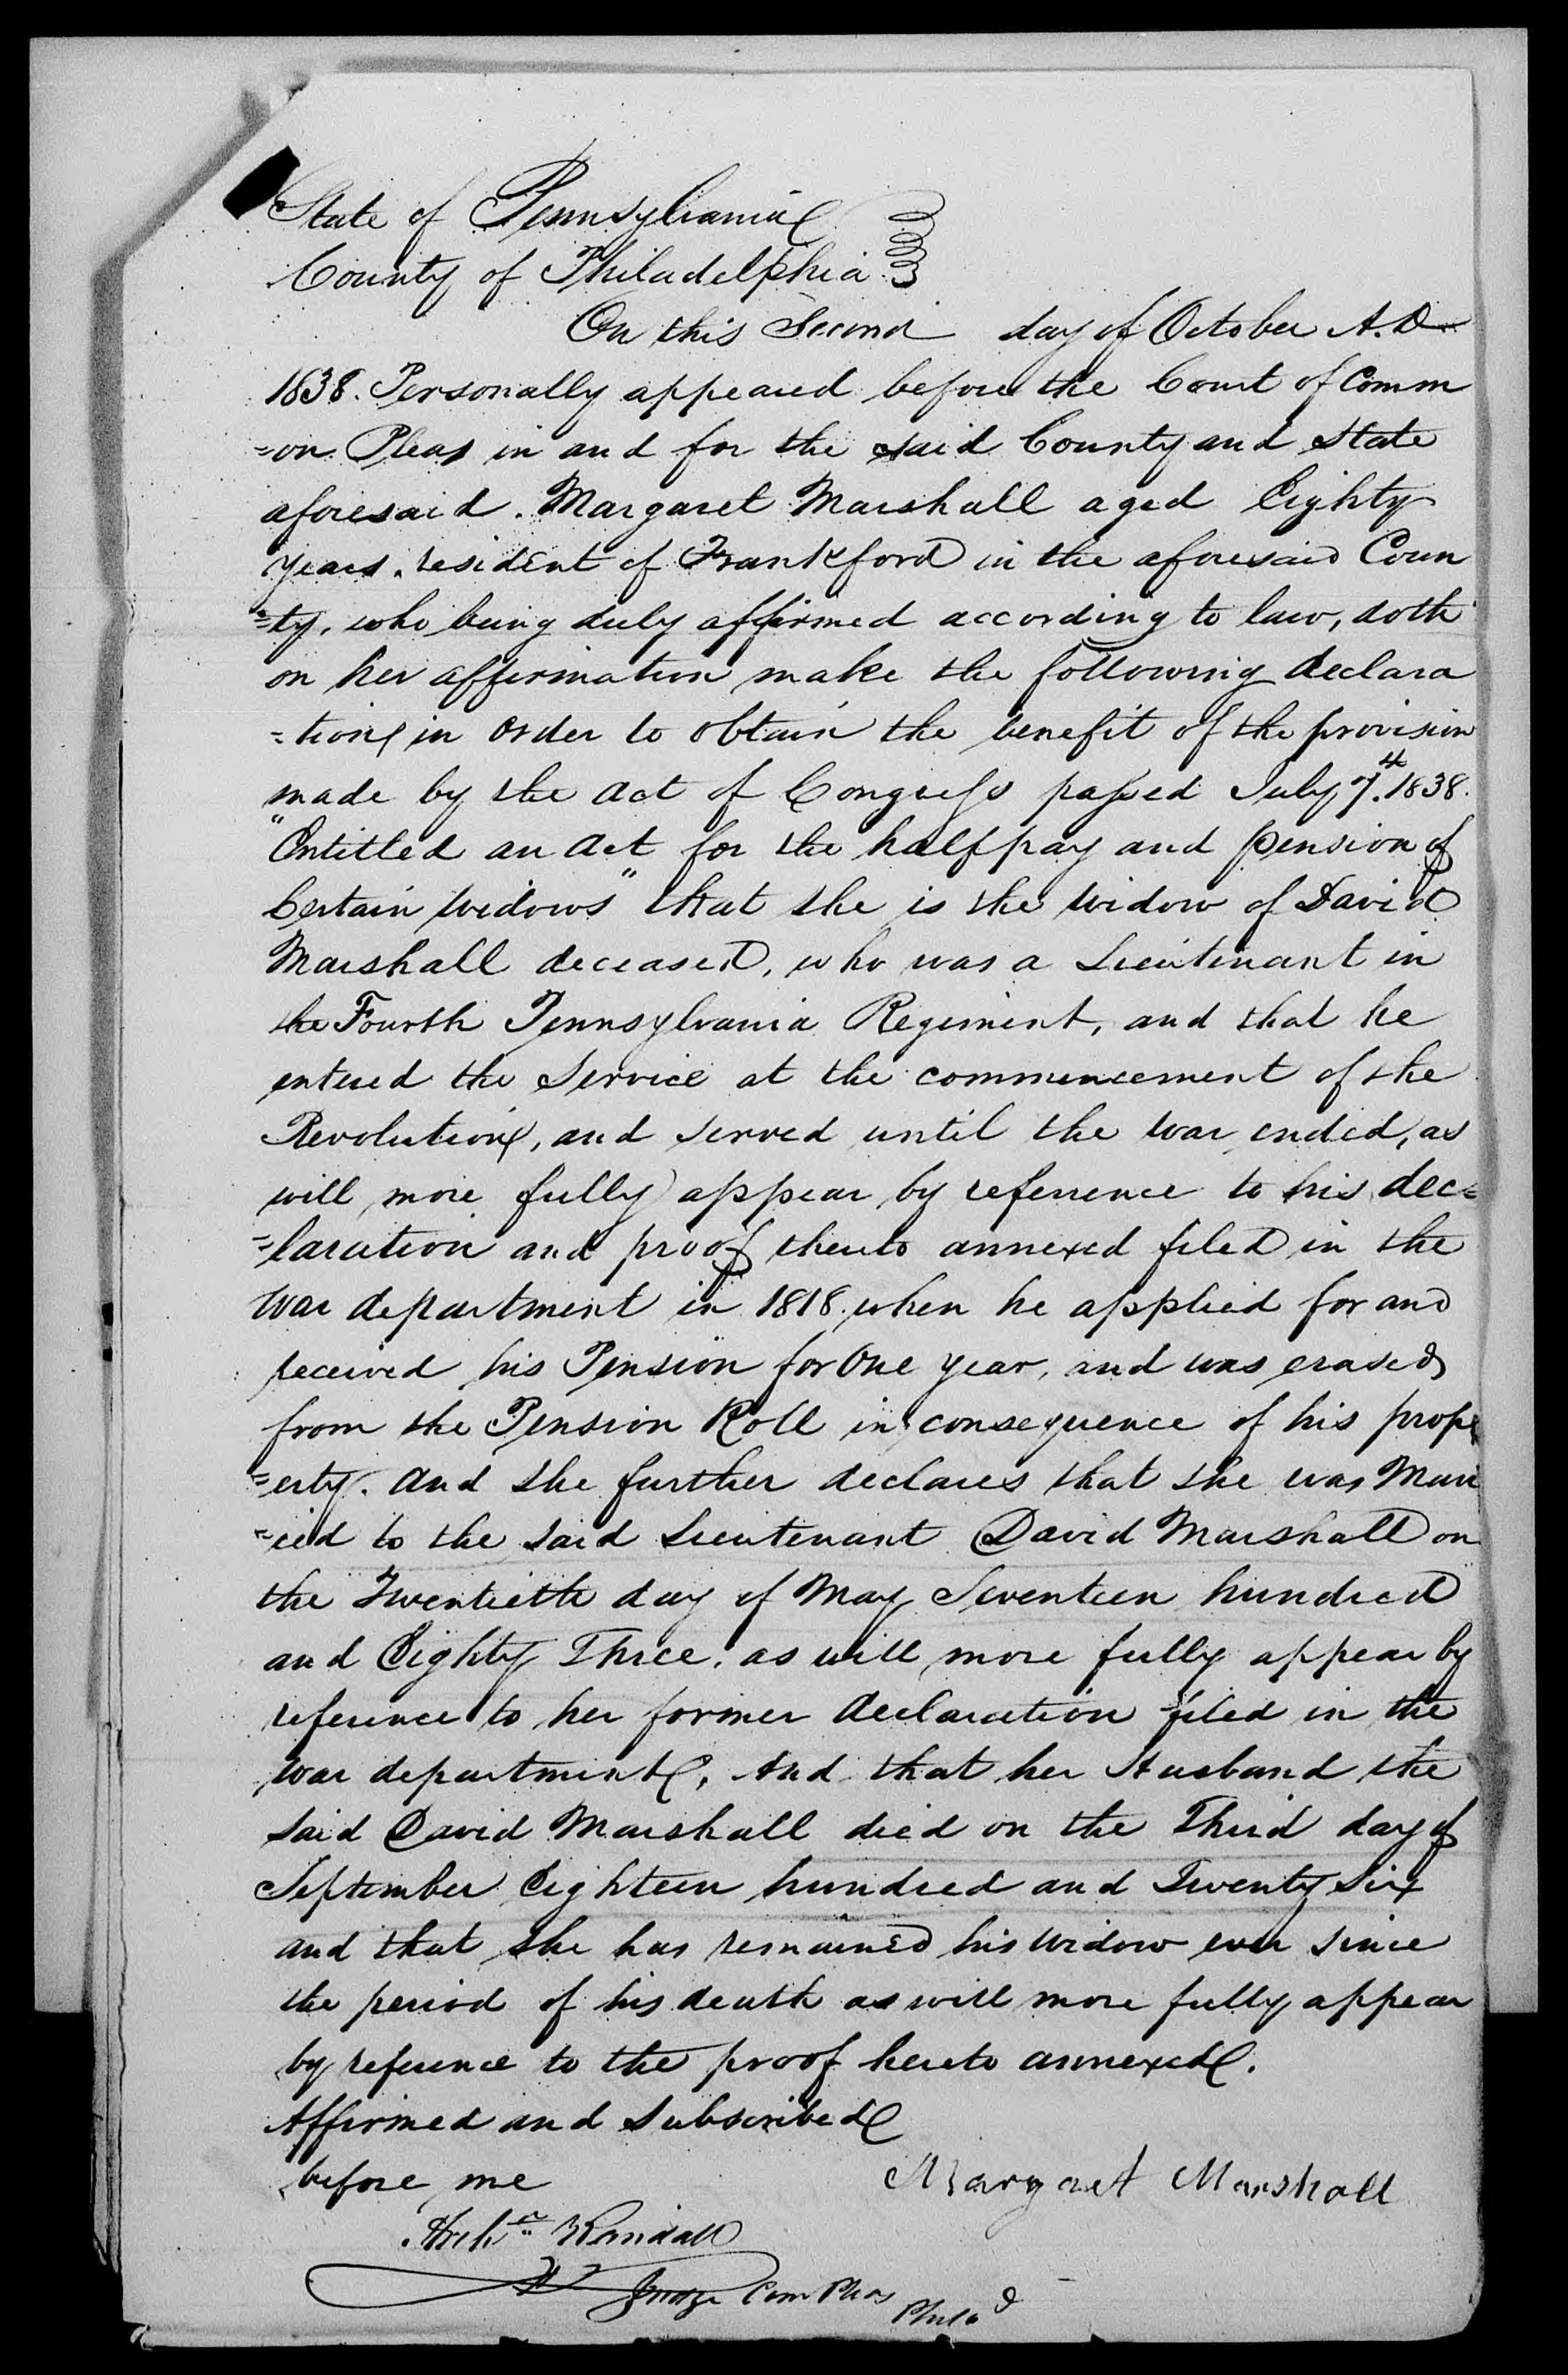State of Pennsylvania
County of Philadelphia

On this Second day of October A. D. 1838 personally appeared before the Court of Common Pleas in and for the said County and State aforesaid Margaret Marshall aged Eighty years. resident of Frankford in the aforesaid County who being duly affirmed according to law, doth on her affirmation make the following declaration in order to obtain the benefit of the provision made by the act of Congress passed July 7th 1838 "Entitled an act for the halfpay and pension of Certain Widows" that she is the widow of David Marshall deceased who was a Lieutenant in the Fourth Pennsylvania Regiment, and that he entered the Service at the commencement of the Revolution, and served until the war ended, as will more fully appear by reference to his declaration and proof thereto annexed filed in the War department in 1818 when he applied for and received his Pension for one year, and was erased from the Pension Roll in consequence of his property and she further declares that she was married to the said Lieutenant David Marshall on the twentieth day of May Seventeen hundred and Eighty Three as will more fully appear by reference to her former declaration filed in the war department and that her husband the said David Marshall died on the Third day of September Eighteen hundred and Twenty Six and that she has remained his widow ever since the period of his death as will more fully appear by referent to the proof hereto annexed.
Margaret Marshall
Honorable Randall
Judge Com Pleas
Phil.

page: 73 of 86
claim: widow's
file: W. 3571, for David Marshall, Pennsylvania